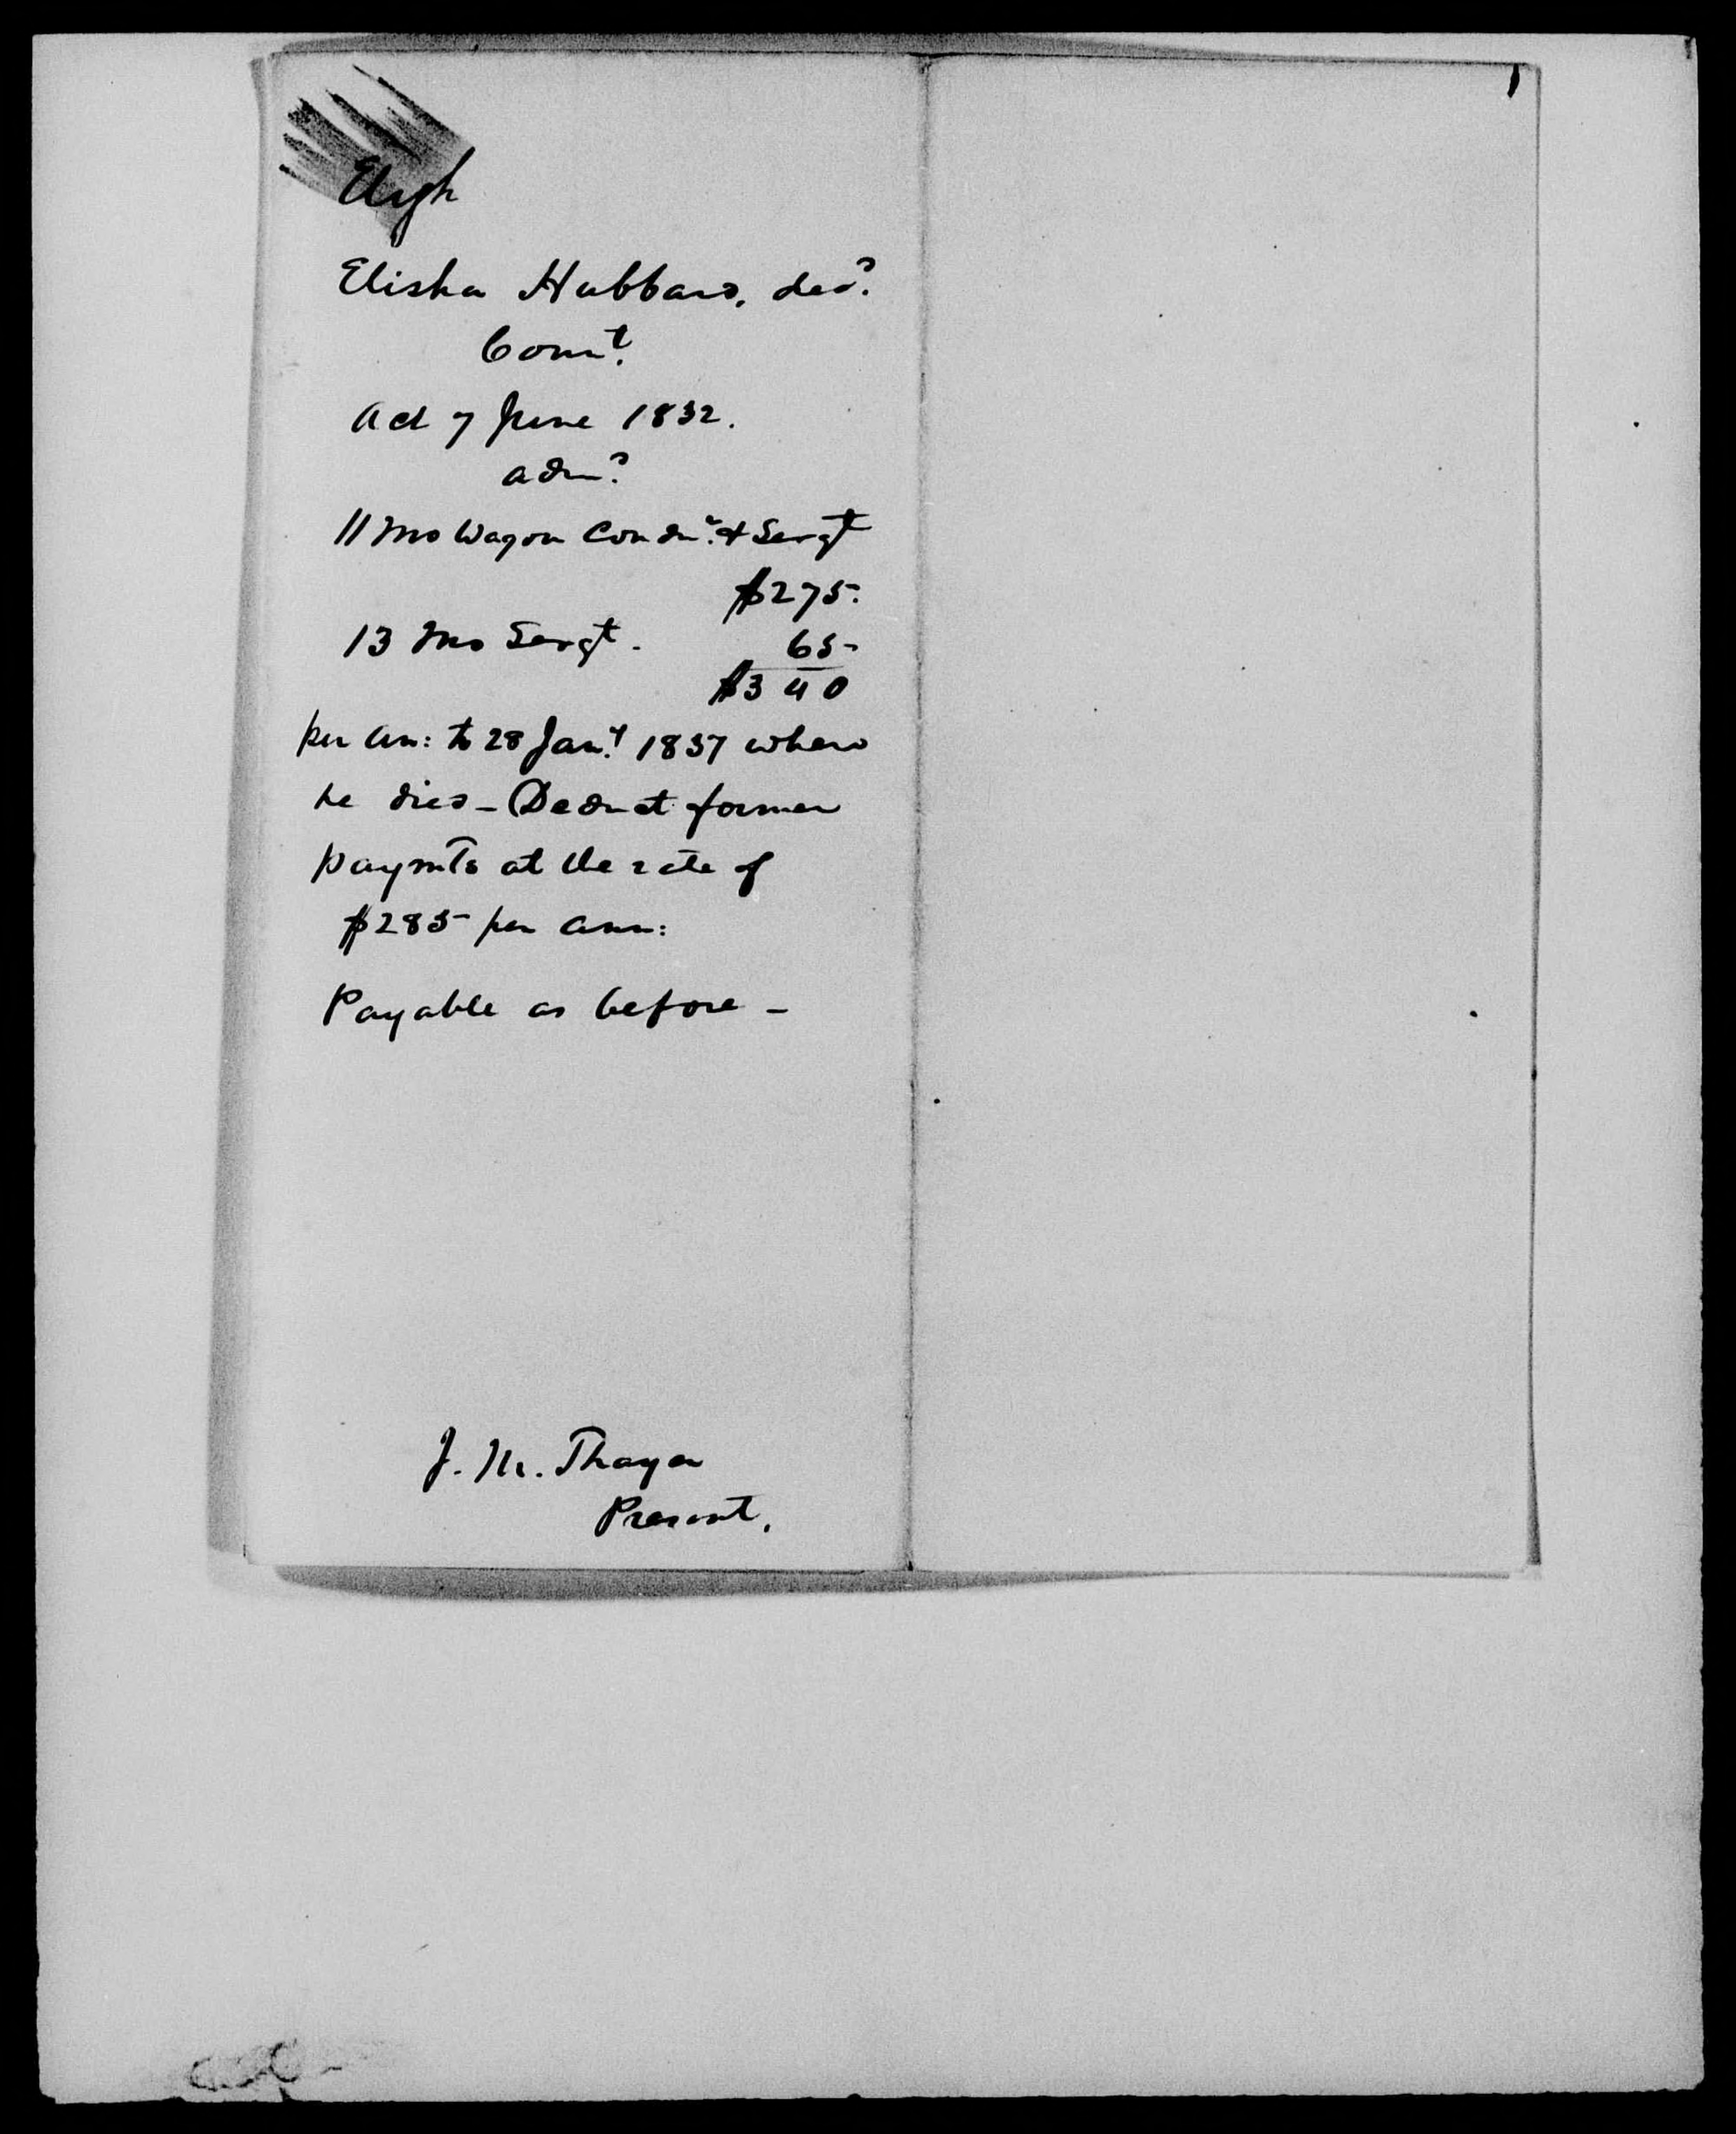Elisha Hubbard, decd.
Connt
Act 7 June 1832.
admr.

11mo wagon condr. & Sergt
$275
13 mo Sergt.  65
$340
per an: to 28 Jan. 7 1837 when  he recd - Deduct  former paymts at the rate of $285 per ann:
Payable as before -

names: Elisha Hubbard, J M Thayer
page: 54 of 63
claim: survivor's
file: S. 18457, Elisha Hubbard, Conn. Continental